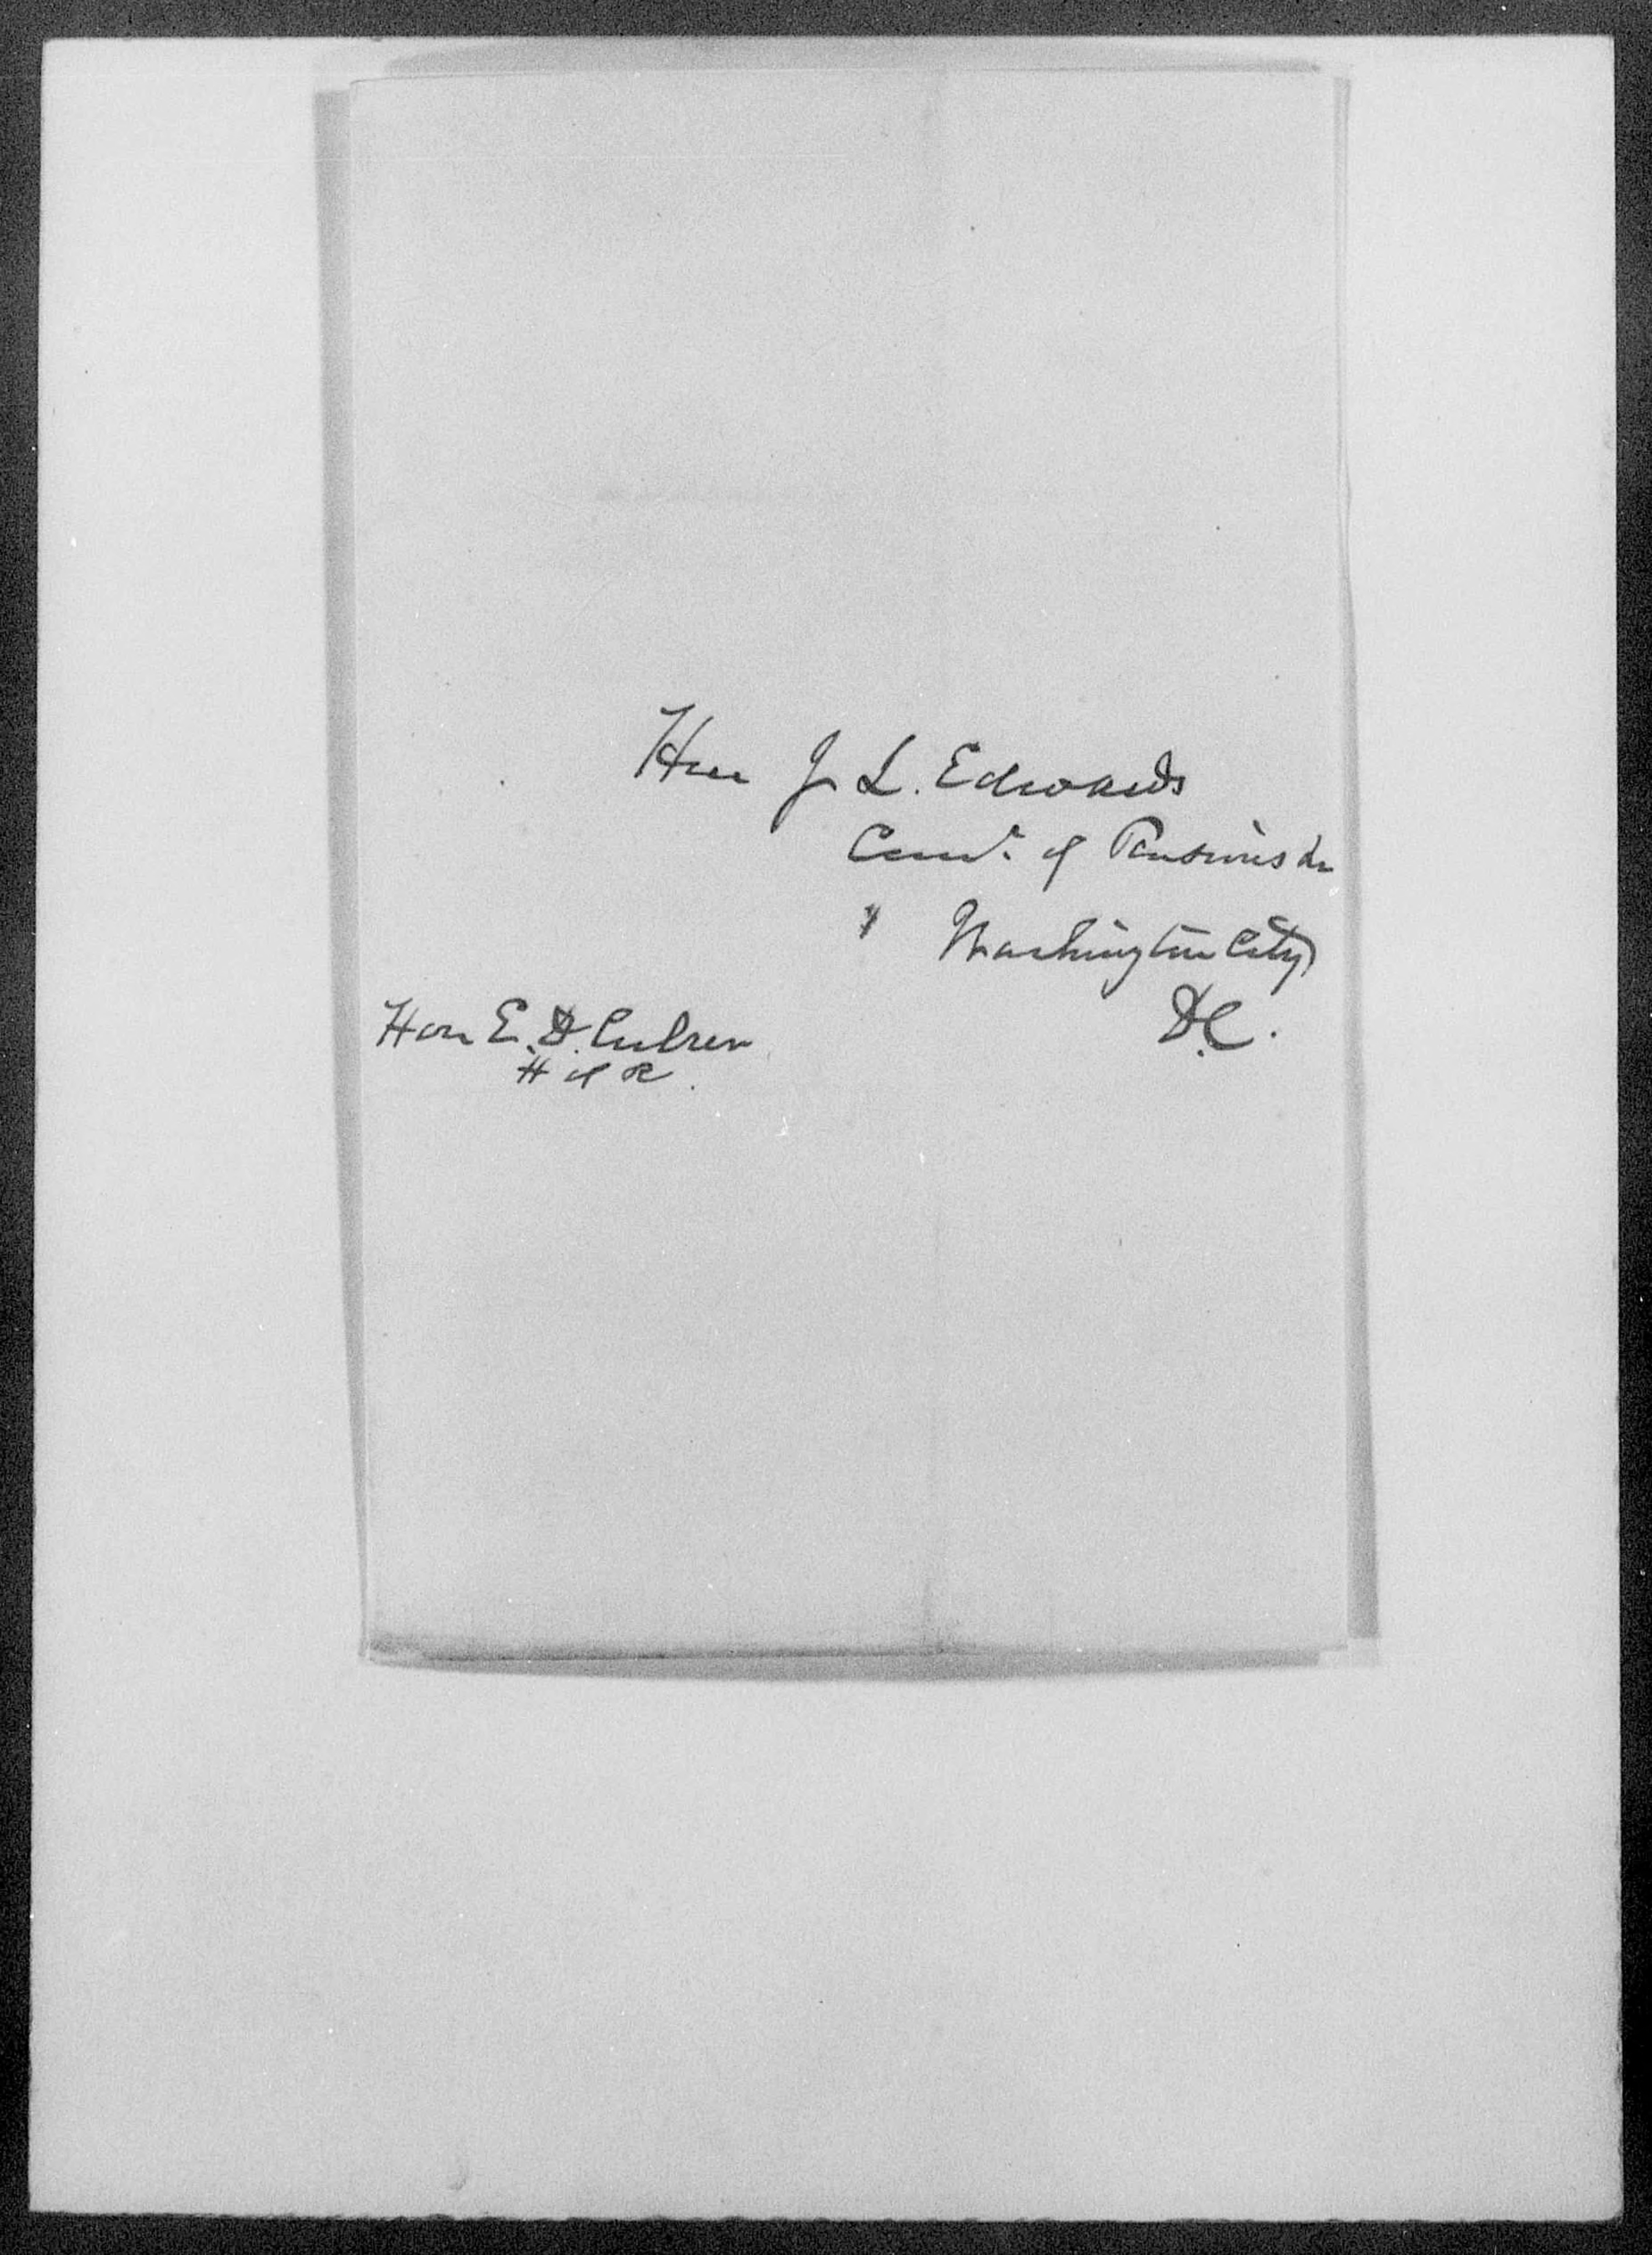Hon J. L. Edwards
Commr. [Commissioner] of Pensions
Washington City
D.C.

Hon E. D. Culver
H of R [House of Representatives]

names: E D Culver, J L Edwards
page: 37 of 51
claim: widow's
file: W. 19,026, Israel Harrington, R.I.